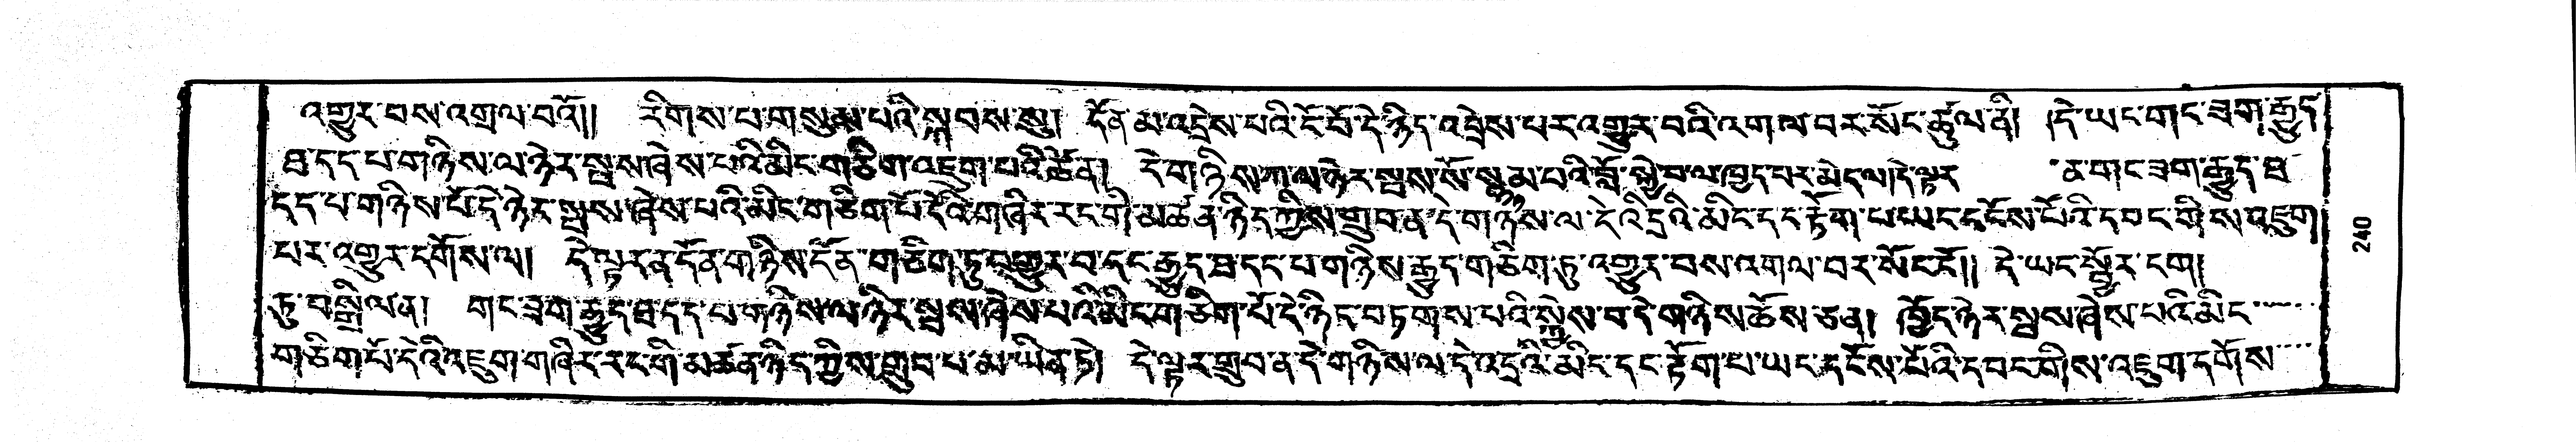འགྱུར་བས་འགལ་བའོ།། རིགས་པ་གསུམ་པའི་སྐབས་སུ། དོན་མ་འདྲེས་པའི་ངོ་བོ་དེ་ཉིད་འབྲེས་པར་འགྱུར་བའི་འགལ་བར་སོང་ཚུལ་ནི། །དེ་ཡང་གང་ཟག་རྒྱུད་
ཐ་དད་པ་གཉིས་ལ་ཉེར་སྦས་ཞེས་པའི་མིང་གཅིག་འཇུག་པའི་ཚེ་ན། དེ་གཉིས་ཀ་ལ་ཉེར་སྦས་སོ་སྙམ་པའི་བློ་སྐྱེ་བ་ལ་ཁྱད་པར་མེད་ལ། དེ་ལྟར་ན་གང་ཟག་རྒྱུད་ཐ་
དད་པ་གཉིས་པོ་དེ་ཉེར་སྦས་ཞེས་པའི་མིང་གཅིག་པོ་དེའི་གཞིར་རང་གི་མཚན་ཉིད་ཀྱིས་གྲུབ་ན་དེ་གཉིས་ལ་དེའི་འདྲའི་མིང་དང་རྟོག་པ་ཡང་དངོས་པོའི་དབང་གིས་འཇུག་
པར་འགྱུར་དགོས་ལ། དེ་ལྟར་ན་དོན་གཉིས་དོན་གཅིག་ཏུ་འགྱུར་བ་དང་རྒྱུད་ཐ་དད་པ་གཉིས་རྒྱུད་གཅིག་ཏུ་འགྱུར་བས་འགལ་བར་སོང་ངོ།། དེ་ཡང་སྦྱོར་ངག།
ཏུ་བསྒྲིལ་ན། གང་ཟག་རྒྱུད་ཐ་དད་པ་གཉིས་ལ་ཉེར་སྦས་ཞེས་པའི་མིང་གཅིག་པོ་དེ་ཉིད་བཏགས་པའི་སྐྱེས་བ་དེ་གཉིས་ཆོས་ཅན། ཁྱོད་ཉེར་སྦས་ཞེས་པའི་མིང་
གཅིག་པོ་དེའི་འཇུག་གཞིར་རང་གི་མཚན་ཉིད་ཀྱིས་གྲུབ་པ་མ་ཡིན་ཏེ། དེ་ལྟར་གྲུབ་ན་དེ་གཉིས་ལ་དེ་འདྲའི་མིང་དང་རྟོག་པ་ཡང་དངོས་པོའི་དབང་གིས་འཇུག་དགོས་